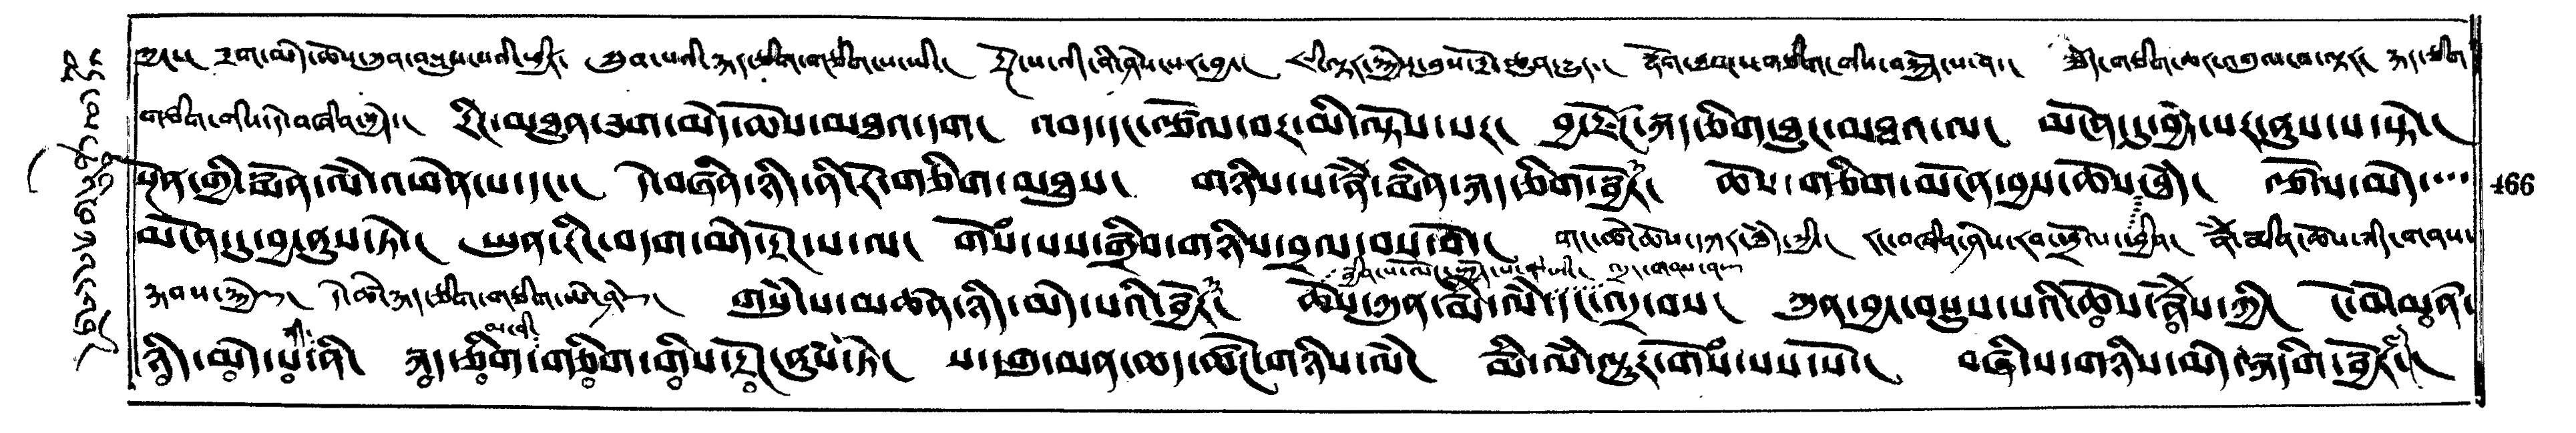རིགས་མཐུན་ཟག་མེད་ཆོས་མཐའ་དག །འབད་དང་རྩོལ་བར་མི་ལྟོས་པར། །བྱ་རྫོགས་སྐད་ཅིག་ཐུང་མཐའ་ལ། །མངོན་དུ་བྱེད་པར་ནུས་པ་སྟེ། །
སྔོན་གྱི་སྨོན་ལམ་འཕེན་པ་དང་། །དེ་བཞིན་ཉིད་ནི་རོ་གཅིག་མཐུས། །གཉིས་པ་རྣམ་སྨིན་སྐད་ཅིག་སྦྱོར། །ཆོས་གཅིག་མངོན་བྱས་ཆོས་ཐམས་ཅད།། གང་ཚེ་ཆོས་དཀར་ཐམས་ཅད་ཀྱི། །རང་བཞིན་ཤེས་རབ་ཕ་རོལ་ཕྱིན། །རྣམ་སྨིན་ཆོས་ཉིད་གནས་སྐབས་སྐྱེས། །དེ་ཚེ་སྐད་ཅིག་གཅིག་ཡེ་ཤེས།། རྩོལ་མེད་
མངོན་དུ་བྱ་ནུས་ཏེ། །ཡུན་རིང་བདག་མེད་རྟོགས་པ་ལ། །གོམས་པས་སྒྲིབ་གཉིས་བྲལ་བས་སོ། །
གསུམ་པ་མཚན་ཉིད་མེད་པའི་སྦྱོར།། སྦྱིན་པ་ལ་སོགས་སྤྱོད་པ་ནི།། ཆོས་ཀུན་རྨི་ལམ་འདྲ་གནས་ནས་དང་འདྲ་བས། །ཀུན་བྱང་བསྡུས་པའི་ཆོས་རྣམས་ཀྱི། །ངོ་བོ་མཚན་
ཉིད་མེད་པ་ཉིད་ནི། །སྐད་ཅིག་མ་ནི་གཅིག་གིས་རྟོགས་ནུས་ཏེ། །ས་དགུ་མན་ཆད་ཚོགས་གཉིས་ལམ། །རྨི་ལམ་ལྟ་བུར་གོམས་པས་སོ། །བཞི་པ་གཉིས་མེད་སྐད་ཅིག་སྦྱོར།།